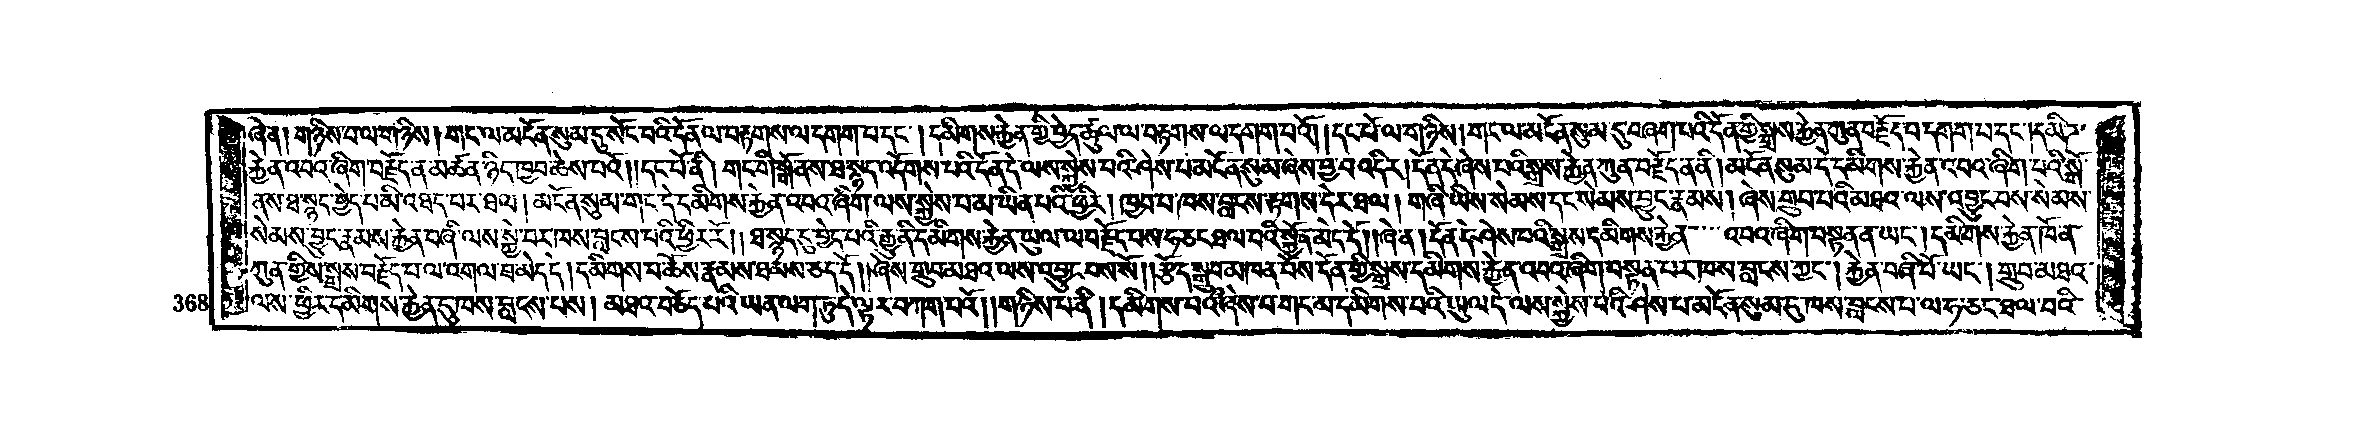ཞེ་ན། གཉིས་པ་ལ་གཉིས། གང་ལ་མངོན་སུམ་དུ་སོང་བའི་དོན་ལ་བརྟགས་ལ་དགག་པ་དང་། དམིགས་རྐྱེན་གྱི་བྱེད་ཚུལ་ལ་བརྟགས་ལ་དགག་པའོ། །དང་པོ་ལ་གཉིས། གང་ལ་མངོན་སུམ་དུ་བཞག་པའི་དོན་གྱི་སྒྲས་རྐྱེན་ཀུན་བརྗོད་པ་དགག་པ་དང་། དམིགས་
རྐྱེན་འབའ་ཞིག་བརྗོད་ན་མཚན་ཉིད་ཁྱབ་ཆེས་པའོ། །དང་པོ་ནི། གང་གི་སྒོ་ནས་ཐ་སྙད་འདོགས་པའི་དོན་དེ་ལས་སྐྱེས་པའི་ཤེས་པ་མངོན་སུམ་ཞེས་བྱ་བ་འདིར། དོན་དེ་ཞེས་པའི་སྒྲས་རྐྱེན་ཀུན་བརྗོད་ན་ནི། མངོན་སུམ་དེ་དམིགས་རྐྱེན་འབའ་ཞིག་པའི་སྒོ་
ནས་ཐ་སྙད་བྱེད་པ་མི་འཐད་པར་ཐལ། མངོན་སུམ་གང་དེ་དམིགས་རྐྱེན་འབའ་ཤིག་ལས་སྐྱེས་པ་མ་ཡིན་པའི་ཕྱིར། ཁྱབ་པ་ཁས་བླངས་རྟགས་དེར་ཐལ། གཞི་ཡིས་སེམས་དང་སེམས་བྱུང་རྣམས། ཞེས་གྲུབ་པའི་མཐའ་ལས་འབྱུང་བས་སེམས་
སེམས་བྱུང་རྣམས་རྐྱེན་བཞི་ལས་སྐྱེ་བར་ཁས་བླངས་པའི་ཕྱིར་རོ། །ཐ་སྙད་དུ་བྱེད་པའི་རྒྱུ་ནི་དམིགས་རྐྱེན་ཡུལ་ལ་བརྗོད་པས་ཧ་ཅང་ཐལ་བའི་སྐྱོན་མེད་དོ། །ཞེ་ན། དོན་དེ་ཤེས་པའི་སྒྲས་དམིགས་རྐྱེན་འབའ་ཞིག་བསྟན་ན་ཡང་། དམིགས་རྐྱེན་ཁོ་ན་
ཀུན་གྱིས་སྒྲས་བརྗོད་པ་ལ་འགལ་ཐ་མེད་དེ། དམིགས་པ་ཆོས་རྣམས་ཐམས་ཅད་དོ། །ཞེས་གྲུབ་མཐའ་ལས་འབྱུང་བས་སོ། །རྩོད་སྒྲུབ་མཁན་པོས་དོན་སྐུ་དམིགས་རྐྱེན་འབའ་ཞིག་བསྟན་པར་ཁས་བླངས་ཀྱང་། རྐྱེན་བཞི་པོ་ཡང་། གྲུབ་མཐའ་
ལས་ཕྱིར་དམིགས་རྐྱེན་དུ་ཁས་བླངས་པས། མཐའ་བཅོད་པའི་ཡན་ལག་ཏུ་དེ་ལྟར་བཀག་པའོ། །དམིགས་པའི་ཞེས་པ་གང་མ་དམིགས་པའི་ཡུལ་དེ་ལས་སྐྱེས་པའི་ཤེས་པ་མངོན་སུམ་དུ་ཁས་བླངས་པ་ལ་ཧ་ཅང་ཐལ་བའི་